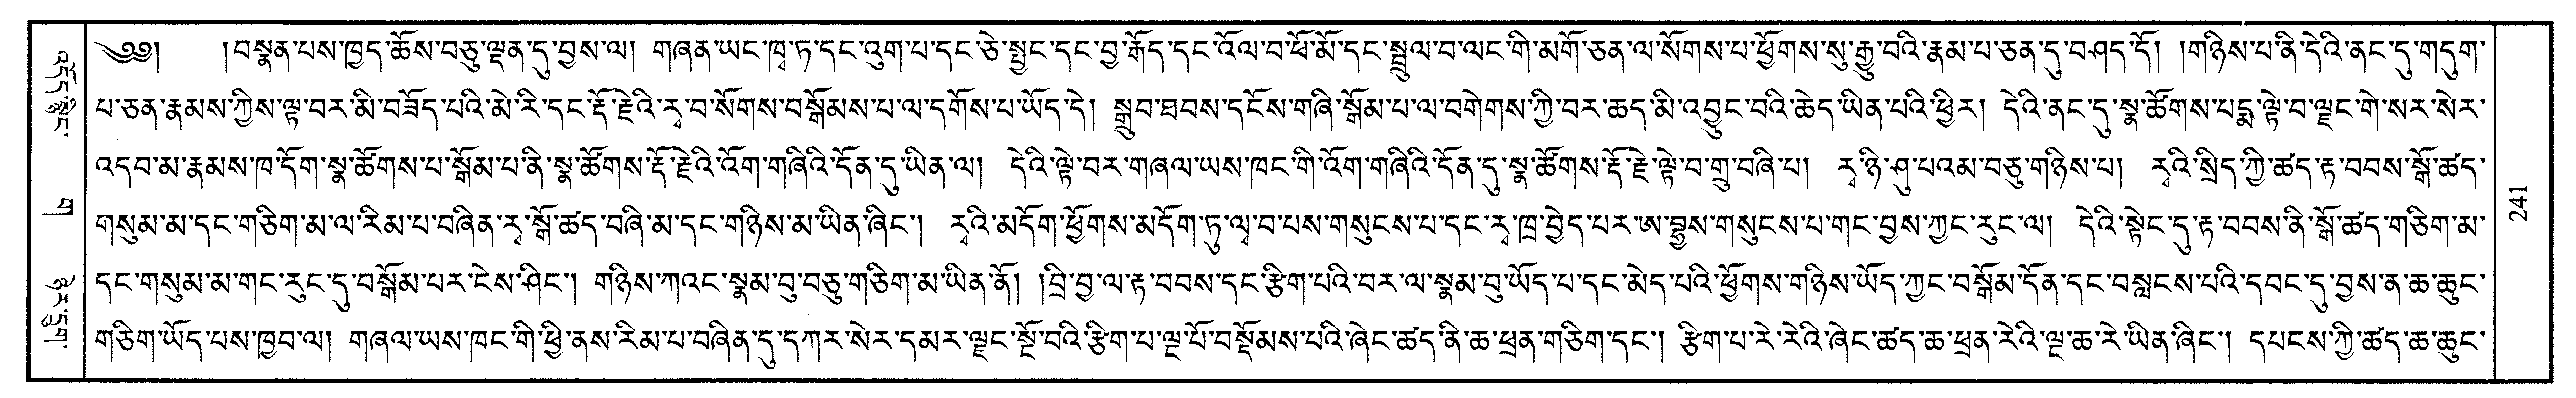༄༅། །བསྣན་པས་ཁྱད་ཆོས་བཅུ་ལྡན་དུ་བྱས་ལ། གཞན་ཡང་ཁྭ་ཏ་དང་འུག་པ་དང་ཅེ་སྤྱང་དང་བྱ་རྒོད་དང་འོལ་བ་ཕོ་མོ་དང་སྦྲུལ་བ་ལང་གི་མགོ་ཅན་ལ་སོགས་པ་ཕྱོགས་སུ་རྒྱུ་བའི་རྣམ་པ་ཅན་དུ་བཤད་དོ། །གཉིས་པ་ནི་དེའི་ནང་དུ་གདུག་
པ་ཅན་རྣམས་ཀྱིས་ལྟ་བར་མི་བཟོད་པའི་མེ་རི་དང་རྡོ་རྗེའི་རྭ་བ་སོགས་བསྒོམས་པ་ལ་དགོས་པ་ཡོད་དེ། སྒྲུབ་ཐབས་དངོས་གཞི་སྒོམ་པ་ལ་བགེགས་ཀྱི་བར་ཆད་མི་འབྱུང་བའི་ཆེད་ཡིན་པའི་ཕྱིར། དེའི་ནང་དུ་སྣ་ཚོགས་པདམ་ལྟེ་བ་ལྗང་གེ་སར་སེར་
འདབ་མ་རྣམས་ཁ་དོག་སྣ་ཚོགས་པ་སྒོམ་པ་ནི་སྣ་ཚོགས་རྡོ་རྗེའི་འོག་གཞིའི་དོན་དུ་ཡིན་ལ། དེའི་ལྟེ་བར་གཞལ་ཡས་ཁང་གི་འོག་གཞིའི་དོན་དུ་སྣ་ཚོགས་རྡོ་རྗེ་ལྟེ་བ་གྲུ་བཞི་པ། རྭ་ཉི་ཤུ་པའམ་བཅུ་གཉིས་པ། རྭའི་སྲིད་ཀྱི་ཚད་རྟ་བབས་སྒོ་ཚད་
གསུམ་མ་དང་གཅིག་མ་ལ་རིམ་པ་བཞིན་རྭ་སྒོ་ཚད་བཞི་མ་དང་གཉིས་མ་ཡིན་ཞིང་། རྭའི་མདོག་ཕྱོགས་མདོག་ཏུ་ལྭ་བ་པས་གསུངས་པ་དང་རྭ་ཁྲ་བྱེད་པར་ཨ་བྷྱས་གསུངས་པ་གང་བྱས་ཀྱང་རུང་ལ། དེའི་སྟེང་དུ་རྟ་བབས་ནི་སྒོ་ཚད་གཅིག་མ་
དང་གསུམ་མ་གང་རུང་དུ་བསྒོམ་པར་ངེས་ཤིང་། གཉིས་ཀའང་སྣམ་བུ་བཅུ་གཅིག་མ་ཡིན་ནོ། །བྲི་བྱ་ལ་རྟ་བབས་དང་རྩིག་པའི་བར་ལ་སྣམ་བུ་ཡོད་པ་དང་མེད་པའི་ཕྱོགས་གཉིས་ཡོད་ཀྱང་བསྒོམ་དོན་དང་བསླངས་པའི་དབང་དུ་བྱས་ན་ཆ་ཆུང་
གཅིག་ཡོད་པས་ཁྱབ་ལ། གཞལ་ཡས་ཁང་གི་ཕྱི་ནས་རིམ་པ་བཞིན་དུ་དཀར་སེར་དམར་ལྗང་སྔོ་བའི་རྩིག་པ་ལྔ་པོ་བསྡོམས་པའི་ཞེང་ཚད་ནི་ཆ་ཕྲན་གཅིག་དང་། རྩིག་པ་རེ་རེའི་ཞེང་ཚད་ཆ་ཕྲན་རེའི་ལྔ་ཆ་རེ་ཡིན་ཞིང་། དཔངས་ཀྱི་ཚད་ཆ་ཆུང་